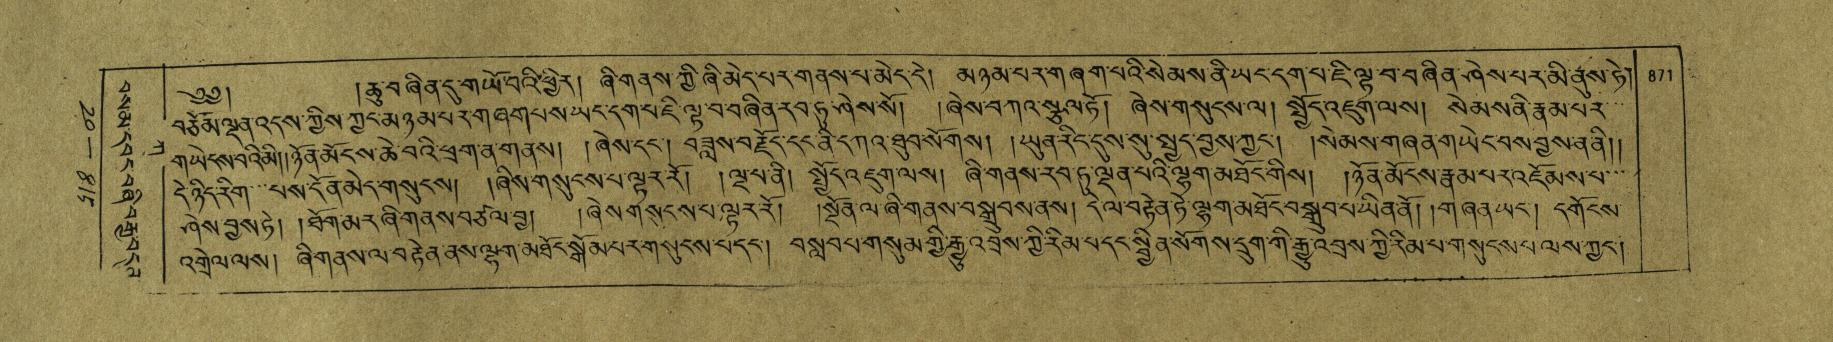༄༅། །ཆུ་བཞིན་དུ་གཡོ་བའི་ཕྱིར། ཞི་གནས་ཀྱི་ཞི་མེད་པར་གནས་པ་མེད་དེ། མཉམ་པར་གཞག་པའི་སེམས་ནི་ཡང་དག་པ་ཇི་ལྟ་བ་བཞིན་ཤེས་པར་མི་ནུས་ཏེ།
བཅོམ་ལྡན་འདས་ཀྱིས་ཀྱང་མཉམ་པར་གཞག་པས་ཡང་དག་པ་ཇི་ལྟ་བ་བཞིན་རབ་ཏུ་ཤེས་སོ། །ཞེས་བཀའ་སྩལ་ཏོ། ཞེས་གསུངས་ལ། སྤྱོད་འཇུག་ལས། སེམས་ནི་རྣམ་པར་གཡེངས་བའི་མི། །ཉོན་མོངས་ཆེ་བའི་ཕྲག་ན་གནས། །ཞེས་དང་། བཟླས་བརྗོད་དང་ནི་དཀའ་ཐུབ་སོགས། །ཡུན་རིང་དུས་སུ་སྤྱད་བྱས་ཀྱང་། །སེམས་གཞན་གཡེང་བས་བྱས་ན་ནི།།
དེ་ཉིད་རིག་པས་དོན་མེད་གསུངས། །ཞེས་གསུངས་པ་ལྟར་རོ། །ལྔ་པ་ནི། སྤྱོད་འཇུག་ལས། ཞི་གནས་རབ་ཏུ་ལྡན་པའི་ལྷག་མཐོང་གིས། །ཉོན་མོངས་རྣམ་པར་འཇོམས་པ་
ཤེས་བྱས་ཏེ། །ཐོག་མར་ཞི་གནས་བཙལ་བྱ། །ཞེས་གསུངས་པ་ལྟར་རོ། །སྔོན་ལ་ཞི་གནས་བསྒྲུབས་ནས། དེ་ལ་བརྟེན་ཏེ་ལྷག་མཐོང་བསྒྲུབ་པ་ཡིན་ནོ། །གཞན་ཡང་། དགོངས་
འགྲེལ་ལས། ཞི་གནས་ལ་བརྟེན་ནས་ལྷག་མཐོང་སྒོམ་པར་གསུངས་པ་དང་། བསླབ་པ་གསུམ་གྱི་རྒྱུ་འབྲས་ཀྱི་རིམ་པ་དང་སྦྱིན་སོགས་དྲུག་གི་རྒྱུ་འབྲས་ཀྱི་རིམ་པ་གསུངས་པ་ལས་ཀྱང་།